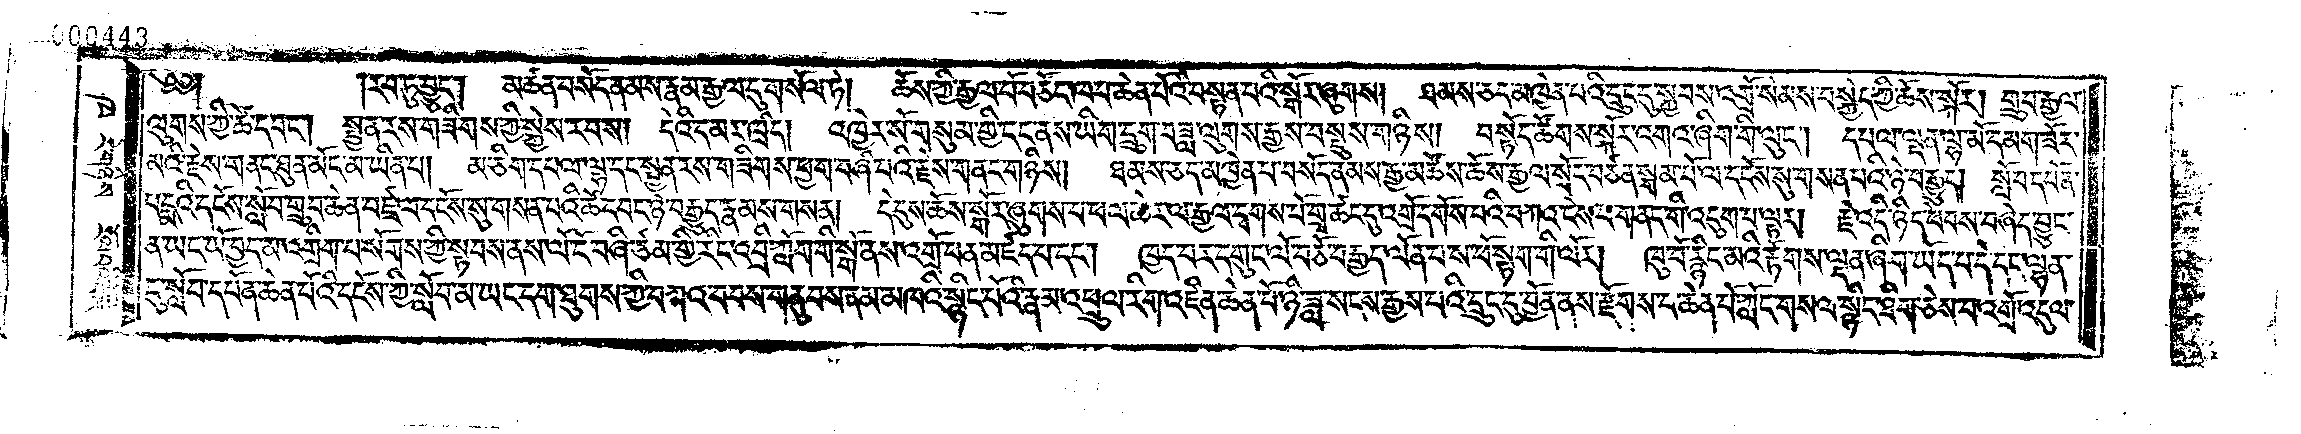༄༅། །རབ་ཏུ་བྱུང་། མཚན་བསོད་ནམས་རྣམ་རྒྱལ་དུ་གསོལ་ཏེ། ཆོས་ཀྱི་རྒྱལ་པོ་བཙོང་ཁ་པ་ཆེན་པོའི་བསྟན་པའི་སྒོར་ཞུགས། ཐམས་ཅད་མཁྱེན་པའི་དྲུང་དུ་སྐྱབས་འགྲོ་སེམས་བསྐྱེད་ཀྱི་ཆོས་སྐོར། གྲུབ་རྒྱལ་
ལུགས་ཀྱི་ཚེ་དབང་། སྤྱན་རས་གཟིགས་ཀྱི་སྐྱེས་རབས། དེའི་དམར་ཁྲིད། འཁྱེར་སོ་གསུམ་གྱི་དང་ནས་ཡིག་དྲུག་བཟླ་ལུགས་རྒྱས་བསྡུས་གཉིས། བསྟོད་ཚོགས་སྐོར་འགའ་ཞིག་གི་ལུང་། དཔལ་ལྡན་ལྷ་མོ་དམག་ཟོར་
མའི་རྗེས་གནང་ཐུན་མོང་མ་ཡིན་པ། མ་ཅིག་དཔལ་ལྷ་དང་སྤྱན་རས་གཟིགས་ཕྱག་བཞི་པའི་རྗེས་གནང་གཉིས། ཐམས་ཅད་མཁྱེན་པ་བསོད་ནམས་རྒྱ་མཚོས་ཆོས་རྒྱལ་སྲོང་བཙན་སྒམ་པོ་ལ་དངོས་སུ་གསན་པའི་ཉེ་བ་རྒྱུད། སློབ་དཔོན་
པདམའི་དངོས་སློབ་གྲུབ་ཆེན་བཛྲ་ལ་དངོས་སུ་གསན་པའི་ཚེ་དབང་ཉེར་བརྒྱུད་རྣམས་གསན། དེ་དུས་ཆོས་སྒོར་ཞུགས་པ་ཕལ་ཆེར་ལ་རྒྱལ་དྭགས་པོ་གྲྭ་ཚང་དུ་འགྲོ་དགོས་པའི་བཀའ་ངེས་པ་གནང་གི་འདུག་པ་ལྟར། རྗེ་འདི་ཉིད་ཕེབས་བཞེད་བྱུང་
ན་ཡང་ཡོ་བྱད་མ་འགྲིག་པ་སོགས་ཀྱི་སྟབས་ནས་ལོ་ངོ་བཞི་ཙམ་གྱི་རིང་འབྲི་ཀློག་གི་སྒོ་ནས་འགྲོ་ཕན་མཛད་པ་དང་། ཁྱད་པར་དགུང་ལོ་བཅོ་བརྒྱད་ལོན་པ་ས་ཕོ་སྟག་གི་ལོར། ཁུ་བོ་རྙིང་མའི་རྟོགས་ལྡན་ཞིག་ཡོད་པ་དེ་དང་ལྷན་
དུ་སློབ་དཔོན་ཆེན་པོའི་དངོས་ཀྱི་སློབ་མ་ཡང་དག་ཐུགས་ཀྱི་བཀའ་བབས་གནུབས་ནམ་མཁའི་སྙིང་པོའི་རྣམ་འཕྲུལ་རིག་འཛིན་ཆེན་པོ་ཉི་ཟླ་སངས་རྒྱས་པའི་དྲུང་དུ་བྱོན་ནས་རྫོགས་པ་ཆེན་པོ་ཀློང་གསལ་སྙིང་ཐིག་ཆེས་པ་འགྲོ་འདུལ་